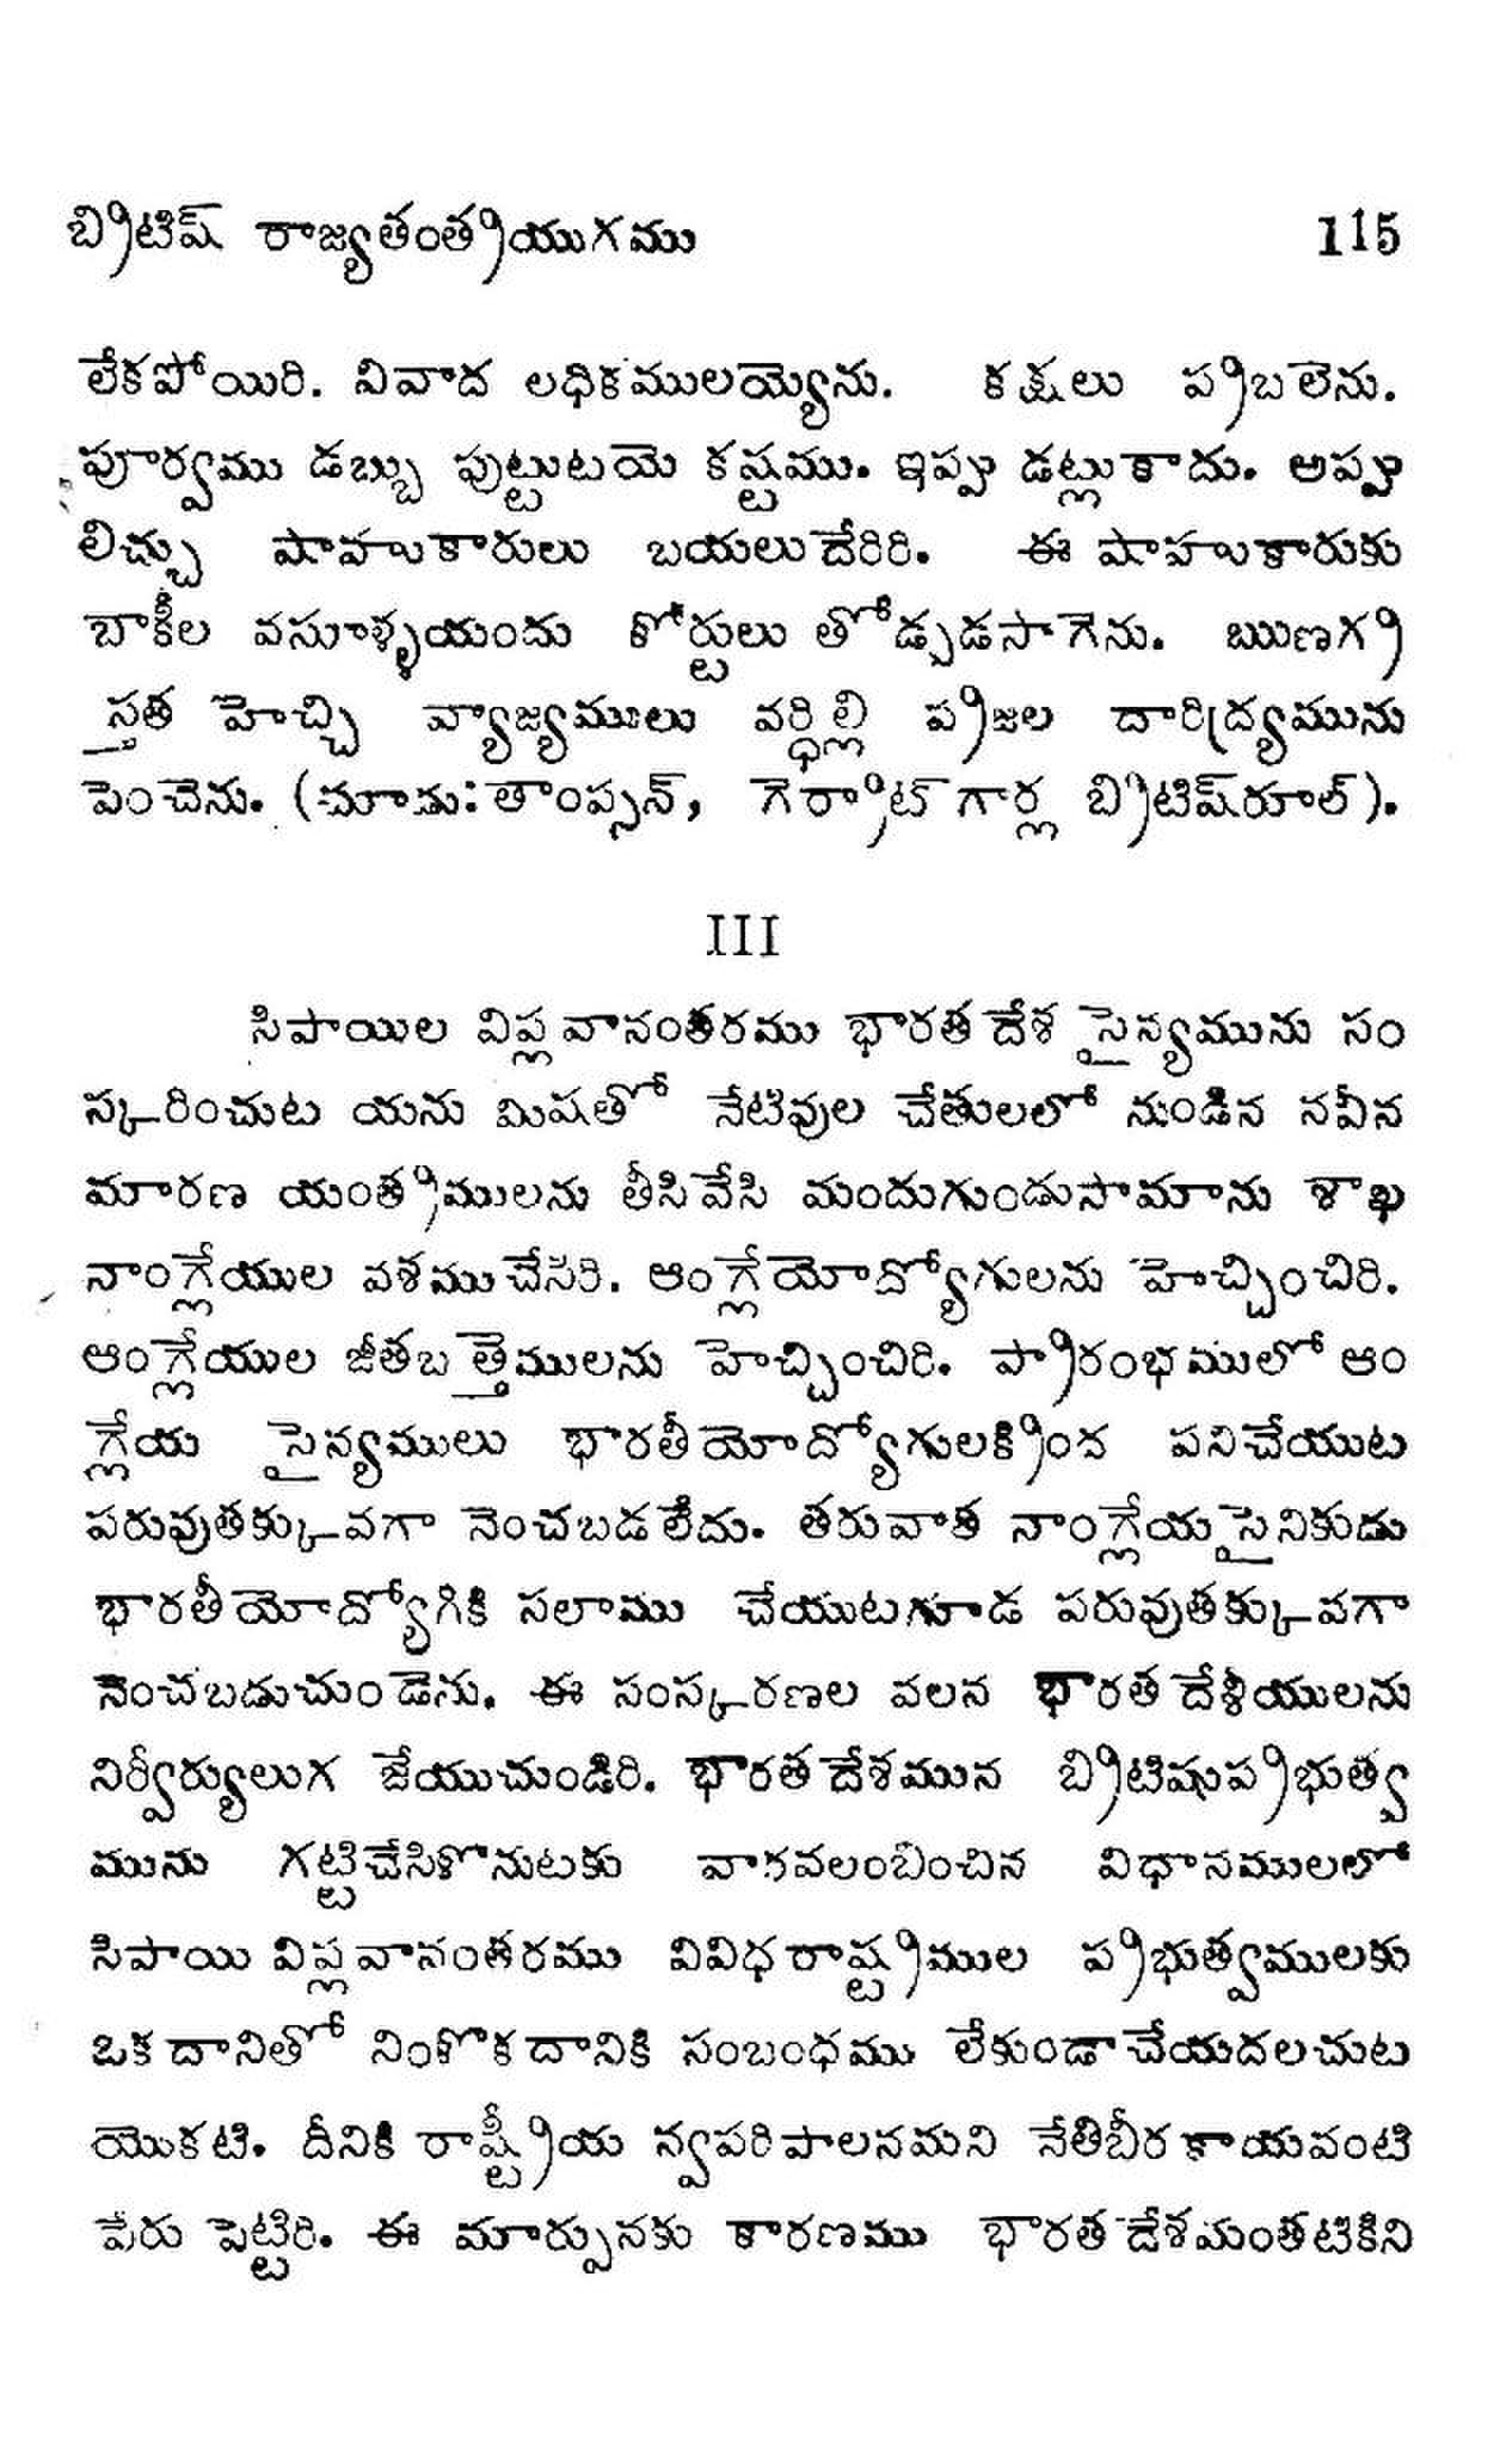లేకపోయిరి. వివాద లధికములయ్యెను. కక్షలు ప్రబలెను. పూర్వము డబ్బు పుట్టుటయె కష్టము. ఇప్పు డట్లుకాదు. అప్పులిచ్చు షాహుకారులు బయలుదేరిరి. ఈ షాహుకారుకు బాకీల వసూళ్ళయందు కోర్టులు తోడ్పడసాగెను. ఋణగ్రస్తత హెచ్చి వ్యాజ్యములు వర్ధిల్లి ప్రజల దారిద్ర్యమును పెంచెను. (చూడు: తాంప్సన్ , గెర్రాట్‌గార్ల బ్రిటిష్‌రూల్).

III

సిపాయిల విప్లవానంతరము భారతదేశ సైన్యమును సంస్కరించుట యను మిషతో నేటివుల చేతులలో నుండిన నవీన మారణ యంత్రములను తీసివేసి మందుగుండుసామాను శాఖ నాంగ్లేయుల వశముచేసిరి. ఆంగ్లేయోద్యోగులను హెచ్చించిరి. ఆంగ్లేయుల జీతబత్తెములను హెచ్చించిరి. ప్రారంభములో ఆంగ్లేయ సైన్యములు భారతీయోద్యోగులక్రింద పనిచేయుట పరువుతక్కువగా నెంచబడలేదు. తరువాత నాంగ్లేయసైనికుడు భారతీయోద్యోగికి సలాము చేయుటగూడ పరువుతక్కువగా నెంచబడుచుండెను. ఈ సంస్కరణల వలన భారతదేశీయులను నిర్వీర్యులుగ జేయుచుండిరి. భారతదేశమున బ్రిటిషుప్రభుత్వమును గట్టిచేసికొనుటకు వారవలంబించిన విధానములలో సిపాయి విప్లవానంతరము వివిధరాష్ట్రముల ప్రభుత్వములకు ఒకదానితో నింకొకదానికి సంబంధము లేకుండాచేయదలచుట యొకటి. దీనికి రాష్ట్రీయ స్వపరిపాలనమని నేతిబీరకాయవంటి పేరు పెట్టిరి. ఈ మార్పునకు కారణము భారతదేశమంతటికిని